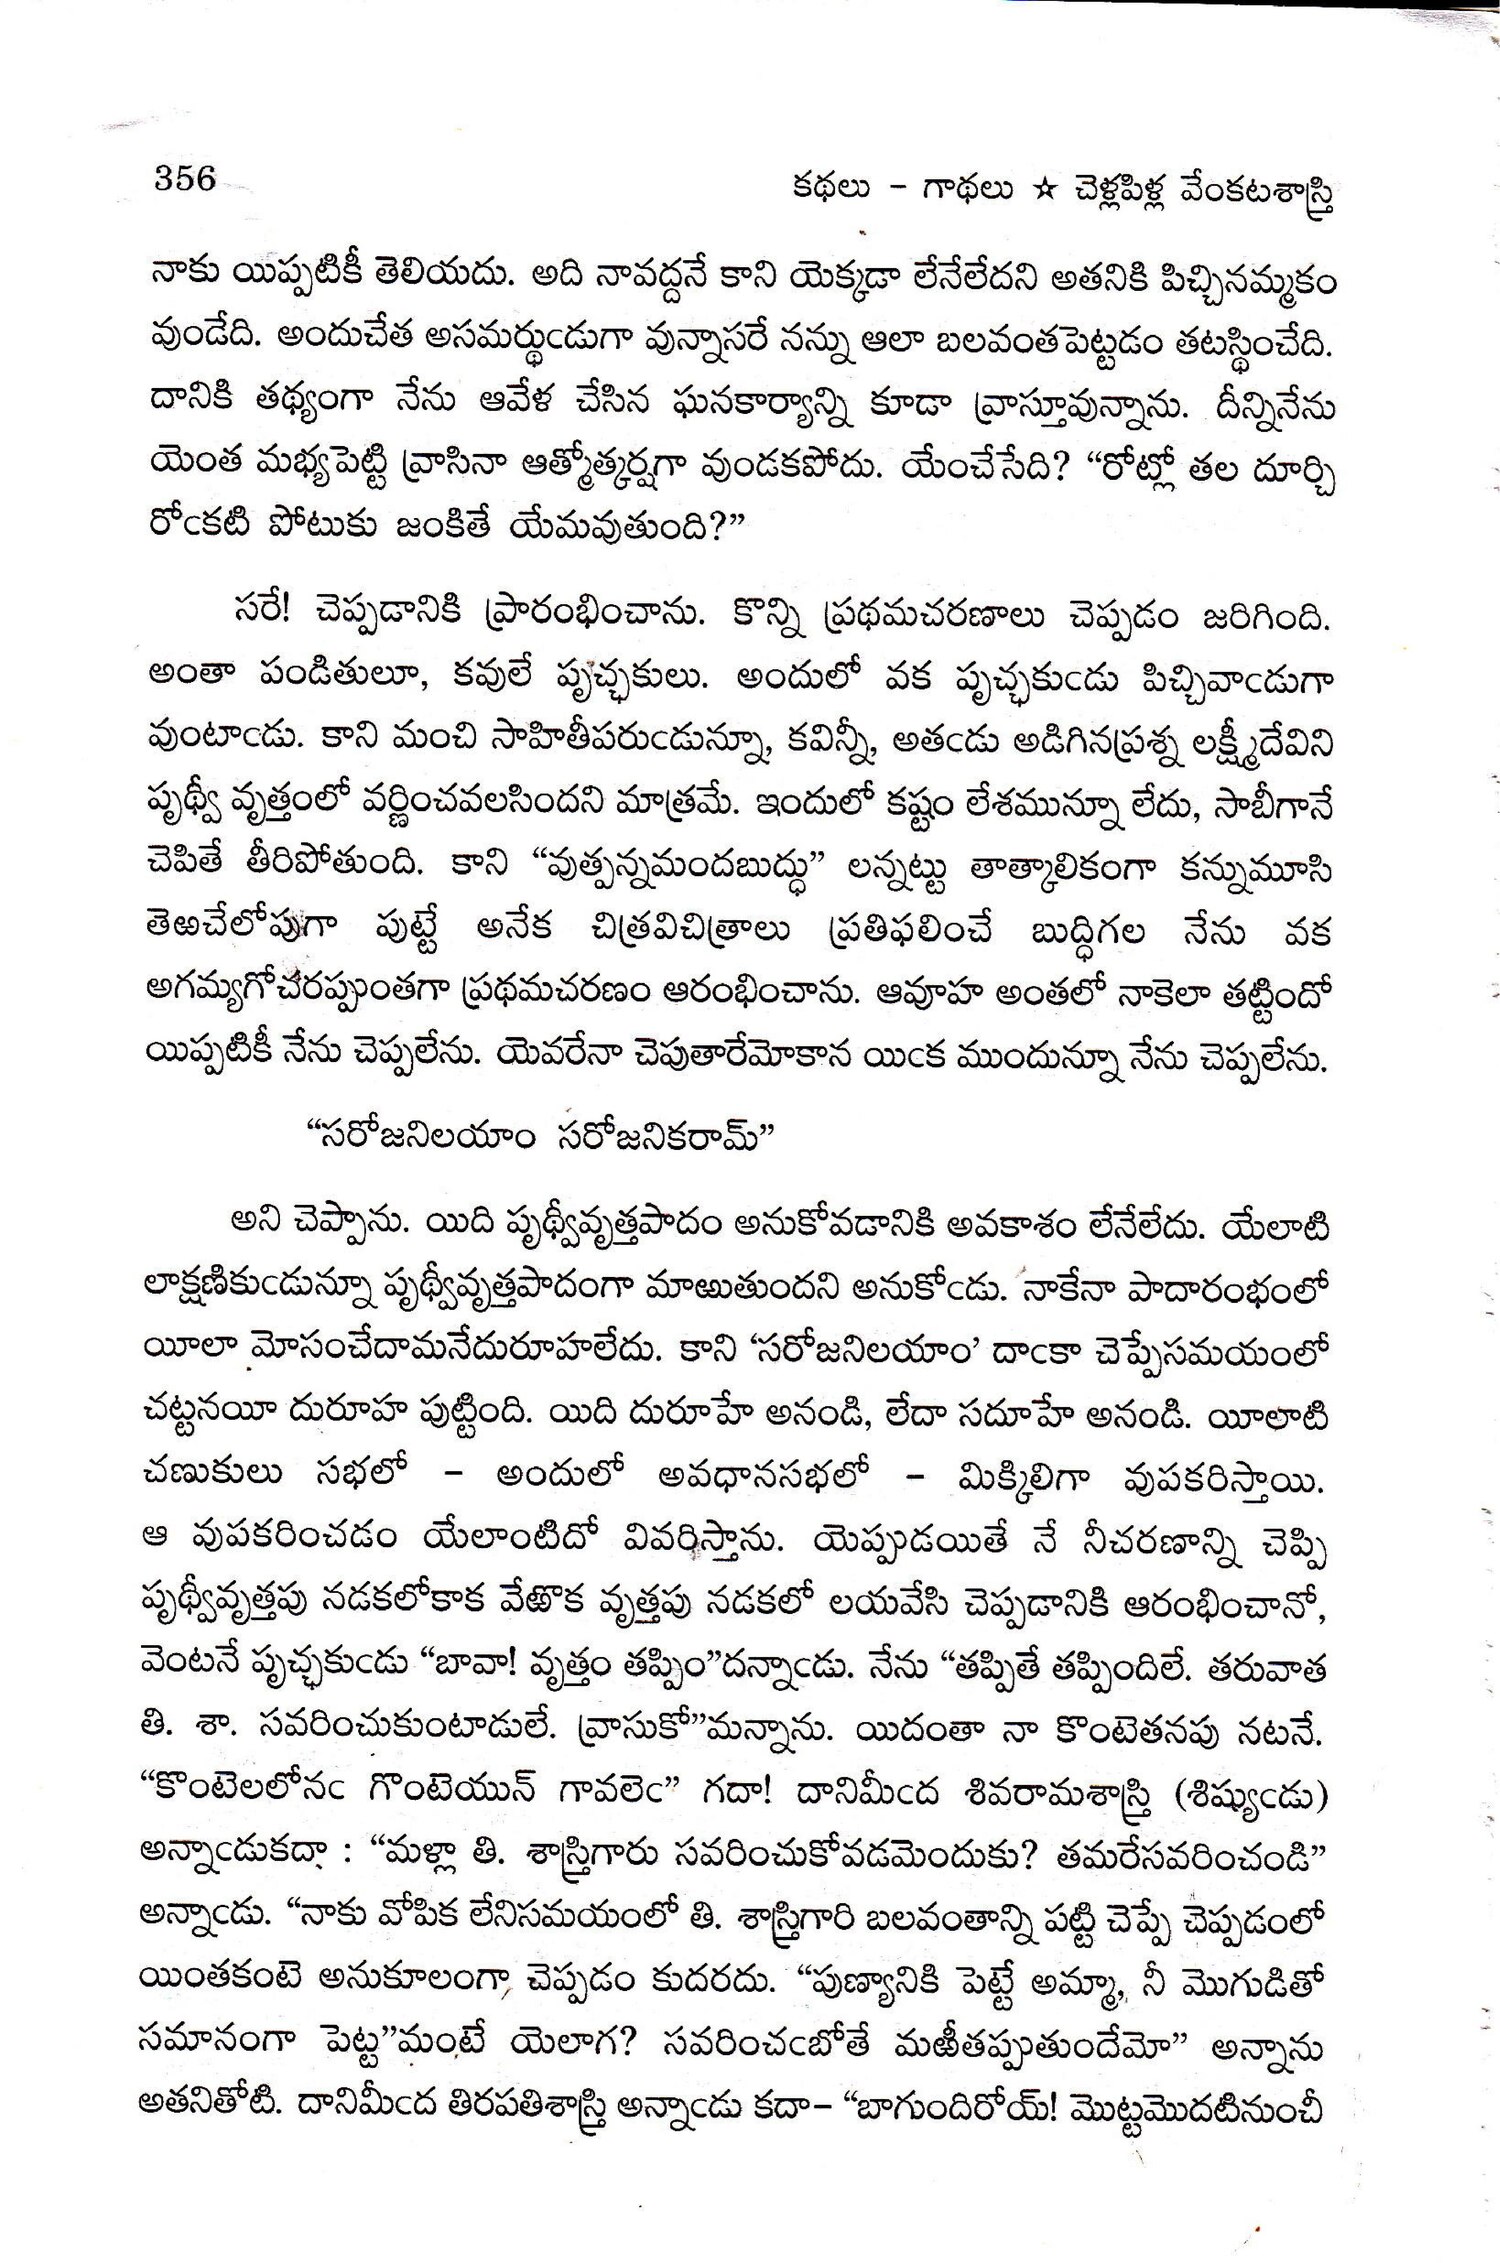నాకు యిప్పటికీ తెలియదు. అది నావద్దనే కాని యెక్కడా లేనేలేదని అతనికి పిచ్చినమ్మకం వుండేది. అందుచేత అసమర్ధుఁడుగా వున్నాసరే నన్ను ఆలా బలవంతపెట్టడం తటస్థించేది. దానికి తథ్యంగా నేను ఆవేళ చేసిన ఘనకార్యాన్ని కూడా వ్రాస్తూవున్నాను. దీన్నినేను యెంత మభ్యపెట్టి వ్రాసినా ఆత్మోత్కర్షగా వుండకపోదు. యేంచేసేది? “రోట్లో తల దూర్చి రోఁకటి పోటుకు జంకితే యేమవుతుంది?"

సరే! చెప్పడానికి ప్రారంభించాను. కొన్ని ప్రథమచరణాలు చెప్పడం జరిగింది. అంతా పండితులూ, కవులే పృచ్ఛకులు. అందులో వక పృచ్ఛకుఁడు పిచ్చివాఁడుగా వుంటాఁడు. కాని మంచి సాహితీపరుఁడున్నూ, కవిన్నీ అతఁడు అడిగినప్రశ్న లక్ష్మీదేవిని పృథ్వీ వృత్తంలో వర్ణించవలసిందని మాత్రమే. ఇందులో కష్టం లేశమున్నూ లేదు, సాబీగానే చెపితే తీరిపోతుంది. కాని “వుత్పన్నమందబుద్దు" లన్నట్టు తాత్కాలికంగా కన్నుమూసి తెఱచేలోపుగా పుట్టే అనేక చిత్రవిచిత్రాలు ప్రతిఫలించే బుద్ధిగల నేను వక అగమ్యగోచరప్పుంతగా ప్రథమచరణం ఆరంభించాను. ఆవూహ అంతలో నాకెలా తట్టిందో యిప్పటికీ నేను చెప్పలేను. యెవరేనా చెపుతారేమోకాన యిఁక ముందున్నూ నేను చెప్పలేను.

“సరోజనిలయాం సరోజనికరామ్"

అని చెప్పాను. యిది పృథ్వీవృత్తపాదం అనుకోవడానికి అవకాశం లేనేలేదు. యేలాటి లాక్షణికుఁడున్నూ పృథ్వీవృత్తపాదంగా మాఱుతుందని అనుకోఁడు. నాకేనా పాదారంభంలో యీలా మోసంచేదామనేదురూహలేదు. కాని సరోజనిలయాం దాఁకా చెప్పేసమయంలో చట్టనయీ దురూహ పుట్టింది. యిది దురూహే అనండి, లేదా సదూహే అనండి. యీలాటి చణుకులు సభలో - అందులో అవధానసభలో – మిక్కిలిగా వుపకరిస్తాయి. ఆ వుపకరించడం యేలాంటిదో వివరిస్తాను. యెప్పుడయితే నే నీచరణాన్ని చెప్పి పృథ్వీవృత్తపు నడకలోకాక వేఱొక వృత్తపు నడకలో లయవేసి చెప్పడానికి ఆరంభించానో, వెంటనే పృచ్ఛకుఁడు "బావా! వృత్తం తప్పిం"దన్నాఁడు. నేను “తప్పితే తప్పిందిలే. తరువాత తి. శా. సవరించుకుంటాడులే. వ్రాసుకో"మన్నాను. యిదంతా నా కొంటెతనపు నటనే. "కొంటెలలోనఁ గొంటెయున్ గావలెఁ" గదా! దానిమీఁద శివరామశాస్త్రి (శిష్యుడు) అన్నాఁడుకదా : "మళ్లా తి. శాస్త్రిగారు సవరించుకోవడమెందుకు? తమరేసవరించండి" అన్నాఁడు. "నాకు వోపిక లేనిసమయంలో తి. శాస్త్రిగారి బలవంతాన్ని పట్టి చెప్పే చెప్పడంలో యింతకంటె అనుకూలంగా చెప్పడం కుదరదు. "పుణ్యానికి పెట్టే అమ్మా, నీ మొగుడితో సమానంగా పెట్ట"మంటే యెలాగ? సవరించఁబోతే మఱీతప్పుతుందేమో" అన్నాను అతనితోటి. దానిమీఁద తిరపతిశాస్త్రి అన్నాఁడు కదా- "బాగుందిరోయ్! మొట్టమొదటినుంచీ